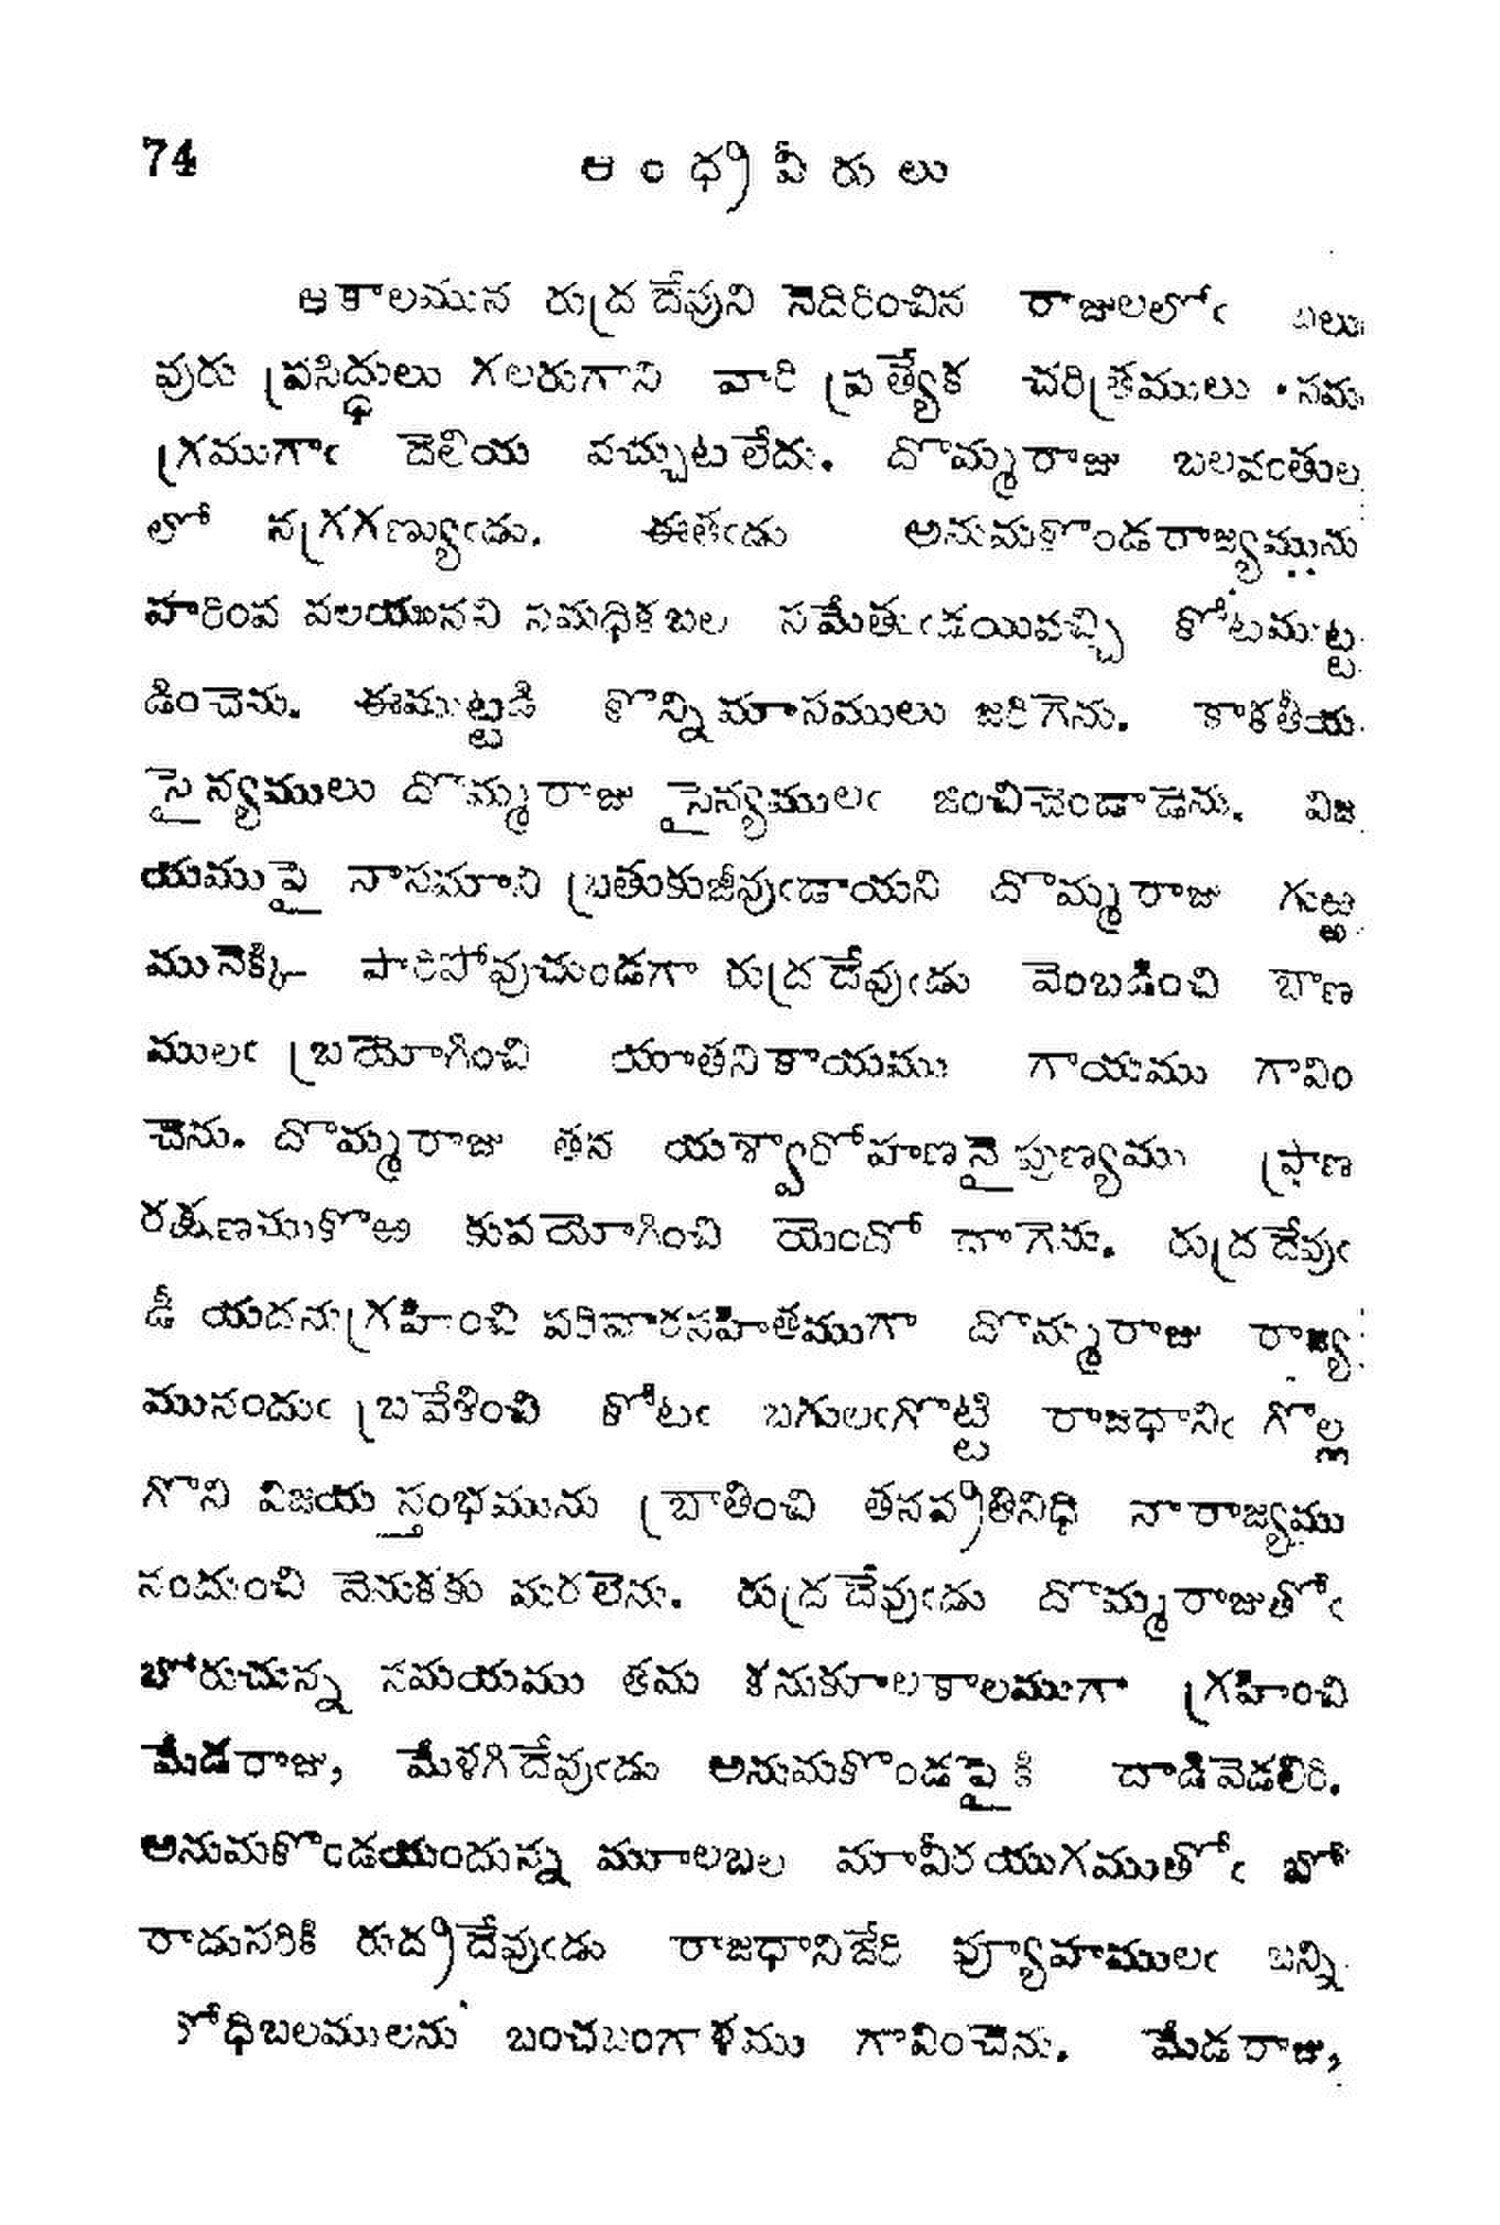ఆకాలమున రుద్రదేవుని నెదిరించిన రాజులలో బలువురు ప్రసిద్ధులు గలరుగాని వారి ప్రత్యేక చరిత్రములు సమగ్రముగా దెలియ వచ్చుటలేదు. దొమ్మరాజు బలవంతులలో నగ్రగణ్యుడు. ఈతడు అనుమకొండరాజ్యమును హరింప వలయునని సమధికబల సమేతుడయివచ్చి కోటముట్టడించెను. ఈముట్టడి కొన్నిమాసములు జరిగెను. కాకతీయ సైన్యములు దొమ్మరాజు సైన్యముల జించిచెండాడెను. విజయముపై నాసమాని బ్రతుకుజీవుడాయని దొమ్మరాజు గుఱ్ఱమునెక్కి పారిపోవుచుండగా రుద్రదేవుడు వెంబడించి బాణముల బ్రయోగించి యాతనికాయము గాయము గావించెను. దొమ్మరాజు తన యశ్వారోహణనైపుణ్యము ప్రాణరక్షణముకొఱ కుపయోగించి యెందో దాగెను. రుద్రదేవుడీ యదనుగ్రహించి పరివారసహితముగా దొమ్మరాజు రాజ్యమునందు బ్రవేశించి కోట బగులగొట్టి రాజధాని గొల్లగొని విజయస్తంభమును బ్రాతించి తనప్రతినిధి నారాజ్యము నందుంచి వెనుకకు మరలెను. రుద్రదేవుడు దొమ్మరాజుతో బోరుచున్న సమయము తమ కనుకూలముగా గ్రహించి మేడరాజు, మేళగిదేవుడు అనుమకొండపైకి దాడివెడలిరి. అనుమకొండయందున్న మూలబల మావీరయుగముతో బోరాడుసరికి రుద్రదేవుడు రాజధానిజేరి వ్యూహముల బన్ని విరోధిబలములను బంచబంగాళము గావించెను. మేడరాజు,